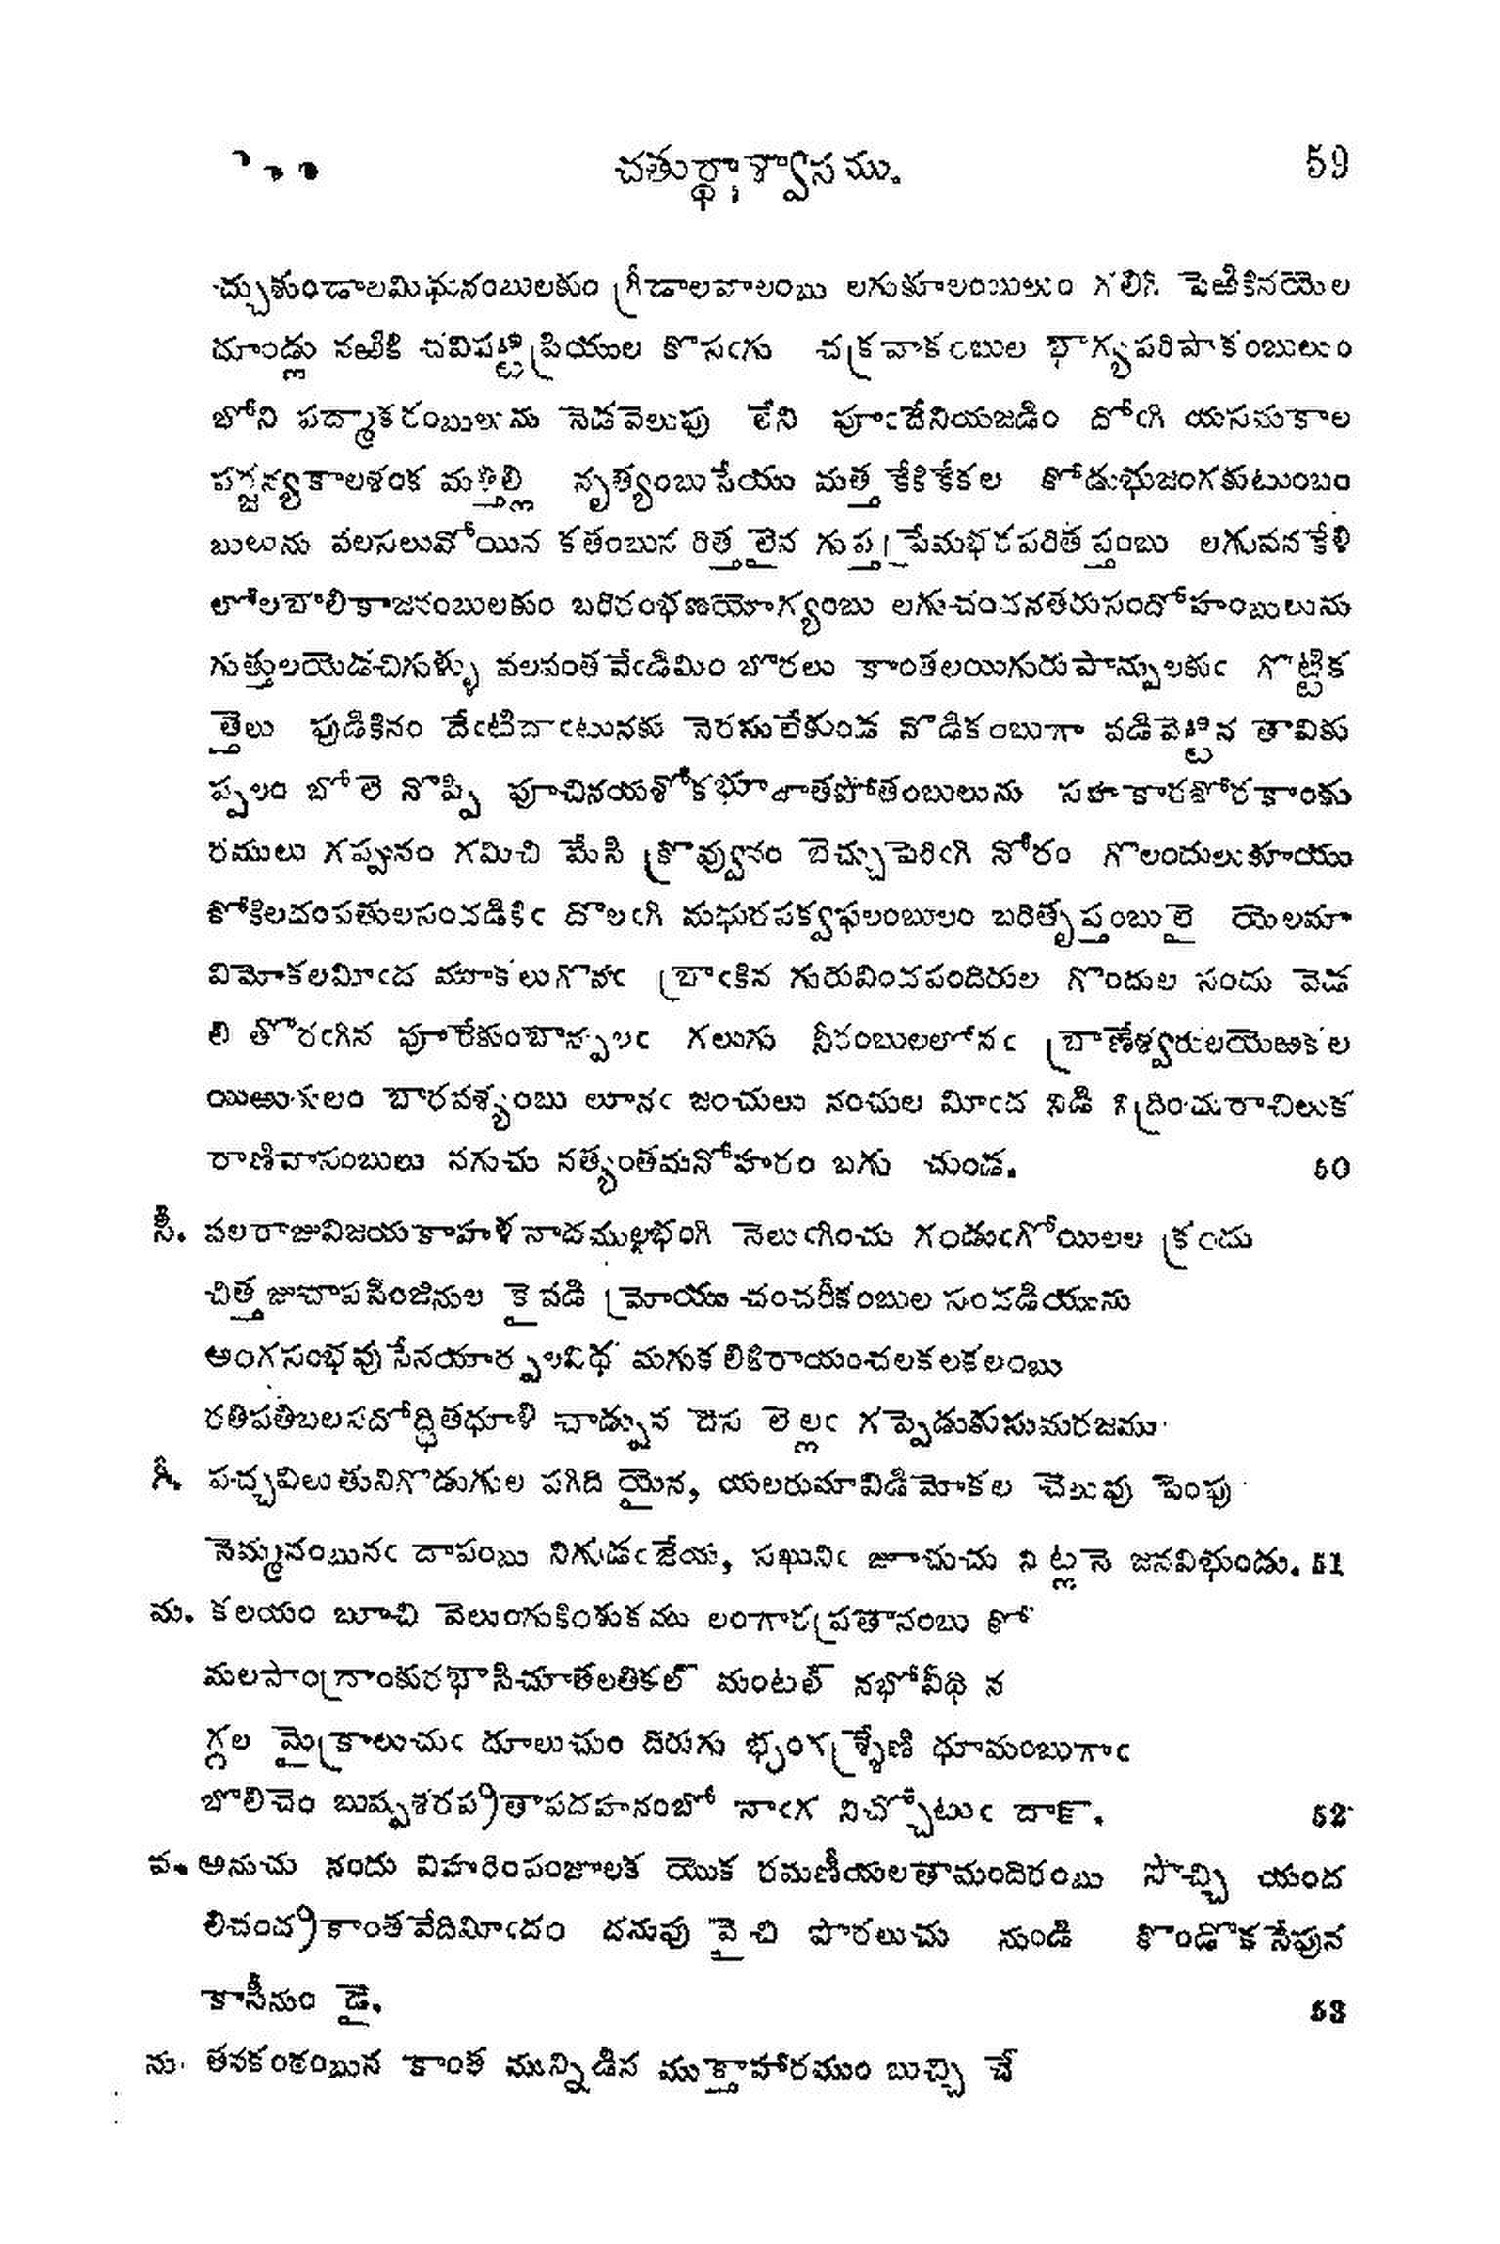చ్చుశుండాలమిథునంబులకుం గ్రీడాలవాలంబు లగుకూలంబులుం గలిగి పెఱికినయెల
 దూండ్లు నఱికి చవిపట్టి ప్రియుల కొసఁగు చక్రవాకంబుల భాగ్యపరిపాకంబులుం
 బోని పద్మాకరంబులును నెడవెలుపు లేని పూఁదేనియజడిం దోఁగి యసమకాల
 పర్జన్యకాలశంక మత్తిల్లి నృత్యంబు సేయు మత్తకేకికేకల కోడు భుజంగకుటుంబం
 బులును వలసలు వోయిన కతంబున రిత్తలైన గుప్తప్రేమభరపరితప్తంబు లగువనకేళి
 లోలబాలికాజనంబులకుం బరిరంభణయోగ్యంబు లగుచంచనతరుసందోహంబులును
 గుత్తులయెడ చిగుళ్ళు వలపంతవేఁడిమిం బొరలు కాంతలయిగురుపాన్పులకుఁ గొట్టిక
 త్తెలు ఫుడికినం దేఁటిదాఁటునకు నెరసులేకుండ నొడికంబుగా వడివెట్టిన తావికు
 ప్పలం బోలె నొప్పి పూచినయశోకభూజాతపోతంబులును సహకారకోరకాంశు
 రములు గప్పునం గమిచి మేసి క్రొవ్వునం బెచ్చుపెరిఁగి నోరం గొలందులు కూయు
 కోకిలదంపతులసందడికిఁ దొలఁగి మధురపక్వఫలంబులం బరితృప్తంబులై యెలమా
 విమోకలమీఁద మూకలుగొనఁ బ్రాఁకిన గురువిందపందిరుల గొందుల సందు వెడ
 లి తొరఁగిన పూరేకుంబాన్పులఁ గలుగు నీరంబులలోనఁ బ్రాణేశ్వరులయెఱకల
 యిఱుకులం బారవశ్యంబు లూనఁ జంచులు నంచుల మీఁద నిడి నిద్రించురాచిలుక
 రాణివాసంబులు నగుచు నత్యంతమనోహరం బగుచుండ.
సీ. వలరాజు విజయకాహళనాదములభంగి నెలుఁగించు గండుఁగోయిలల క్రందు
 చిత్తజుచాపసింజినులకైవడి మ్రోయు చంచరీకంబుల సందడియును
 అంగసంభవుసేనయార్పలవిధ మగుకలికిరాయంచలకలకలంబు
 రతిపతిబలసదోద్ధితధూళి చాడ్పున దెస లెల్లఁ గప్పెడుకుసుమరజము
గీ. పచ్చవిలుతునిగొడుగులపగిది యైన, యలరుమావిడిమోకల చెలువు పెంపు
 నెమ్మనంబునఁ దాపంబు నిగుడఁజేయ, సఖునిఁ జూచుచు నిట్లనె జనవిభుండు.
మ. కలయం బూచి వెలుంగుకింశుకము లంగారప్రతానంబు కో
 మలసాంద్రాంకురభాసిచూతలతికల్ మంటల్ నభోవీథి న
 గ్గల మైక్రాలుచుఁ దూలుచుం దిరుగు భృంగశ్శ్రేణి ధూమంబుగాఁ
 బొలిచెం బుష్పశరప్రతాపదహనంబో నాఁగ నిచ్చోటుఁ దాన్.
వ. అనుచు నందు విహరింపంజాలక యొకరమణీయలతామందిరంబు సొచ్చి యంద
 లిచంద్రకాంతవేదిమీఁదం దనువు వైచి పొరలుచు నుండి కొండొకసేపున
 కాసీనుం డై.
మ. తనకంఠంబున కాంత మున్నిడిన ముక్తాహారముం బుచ్చి చే